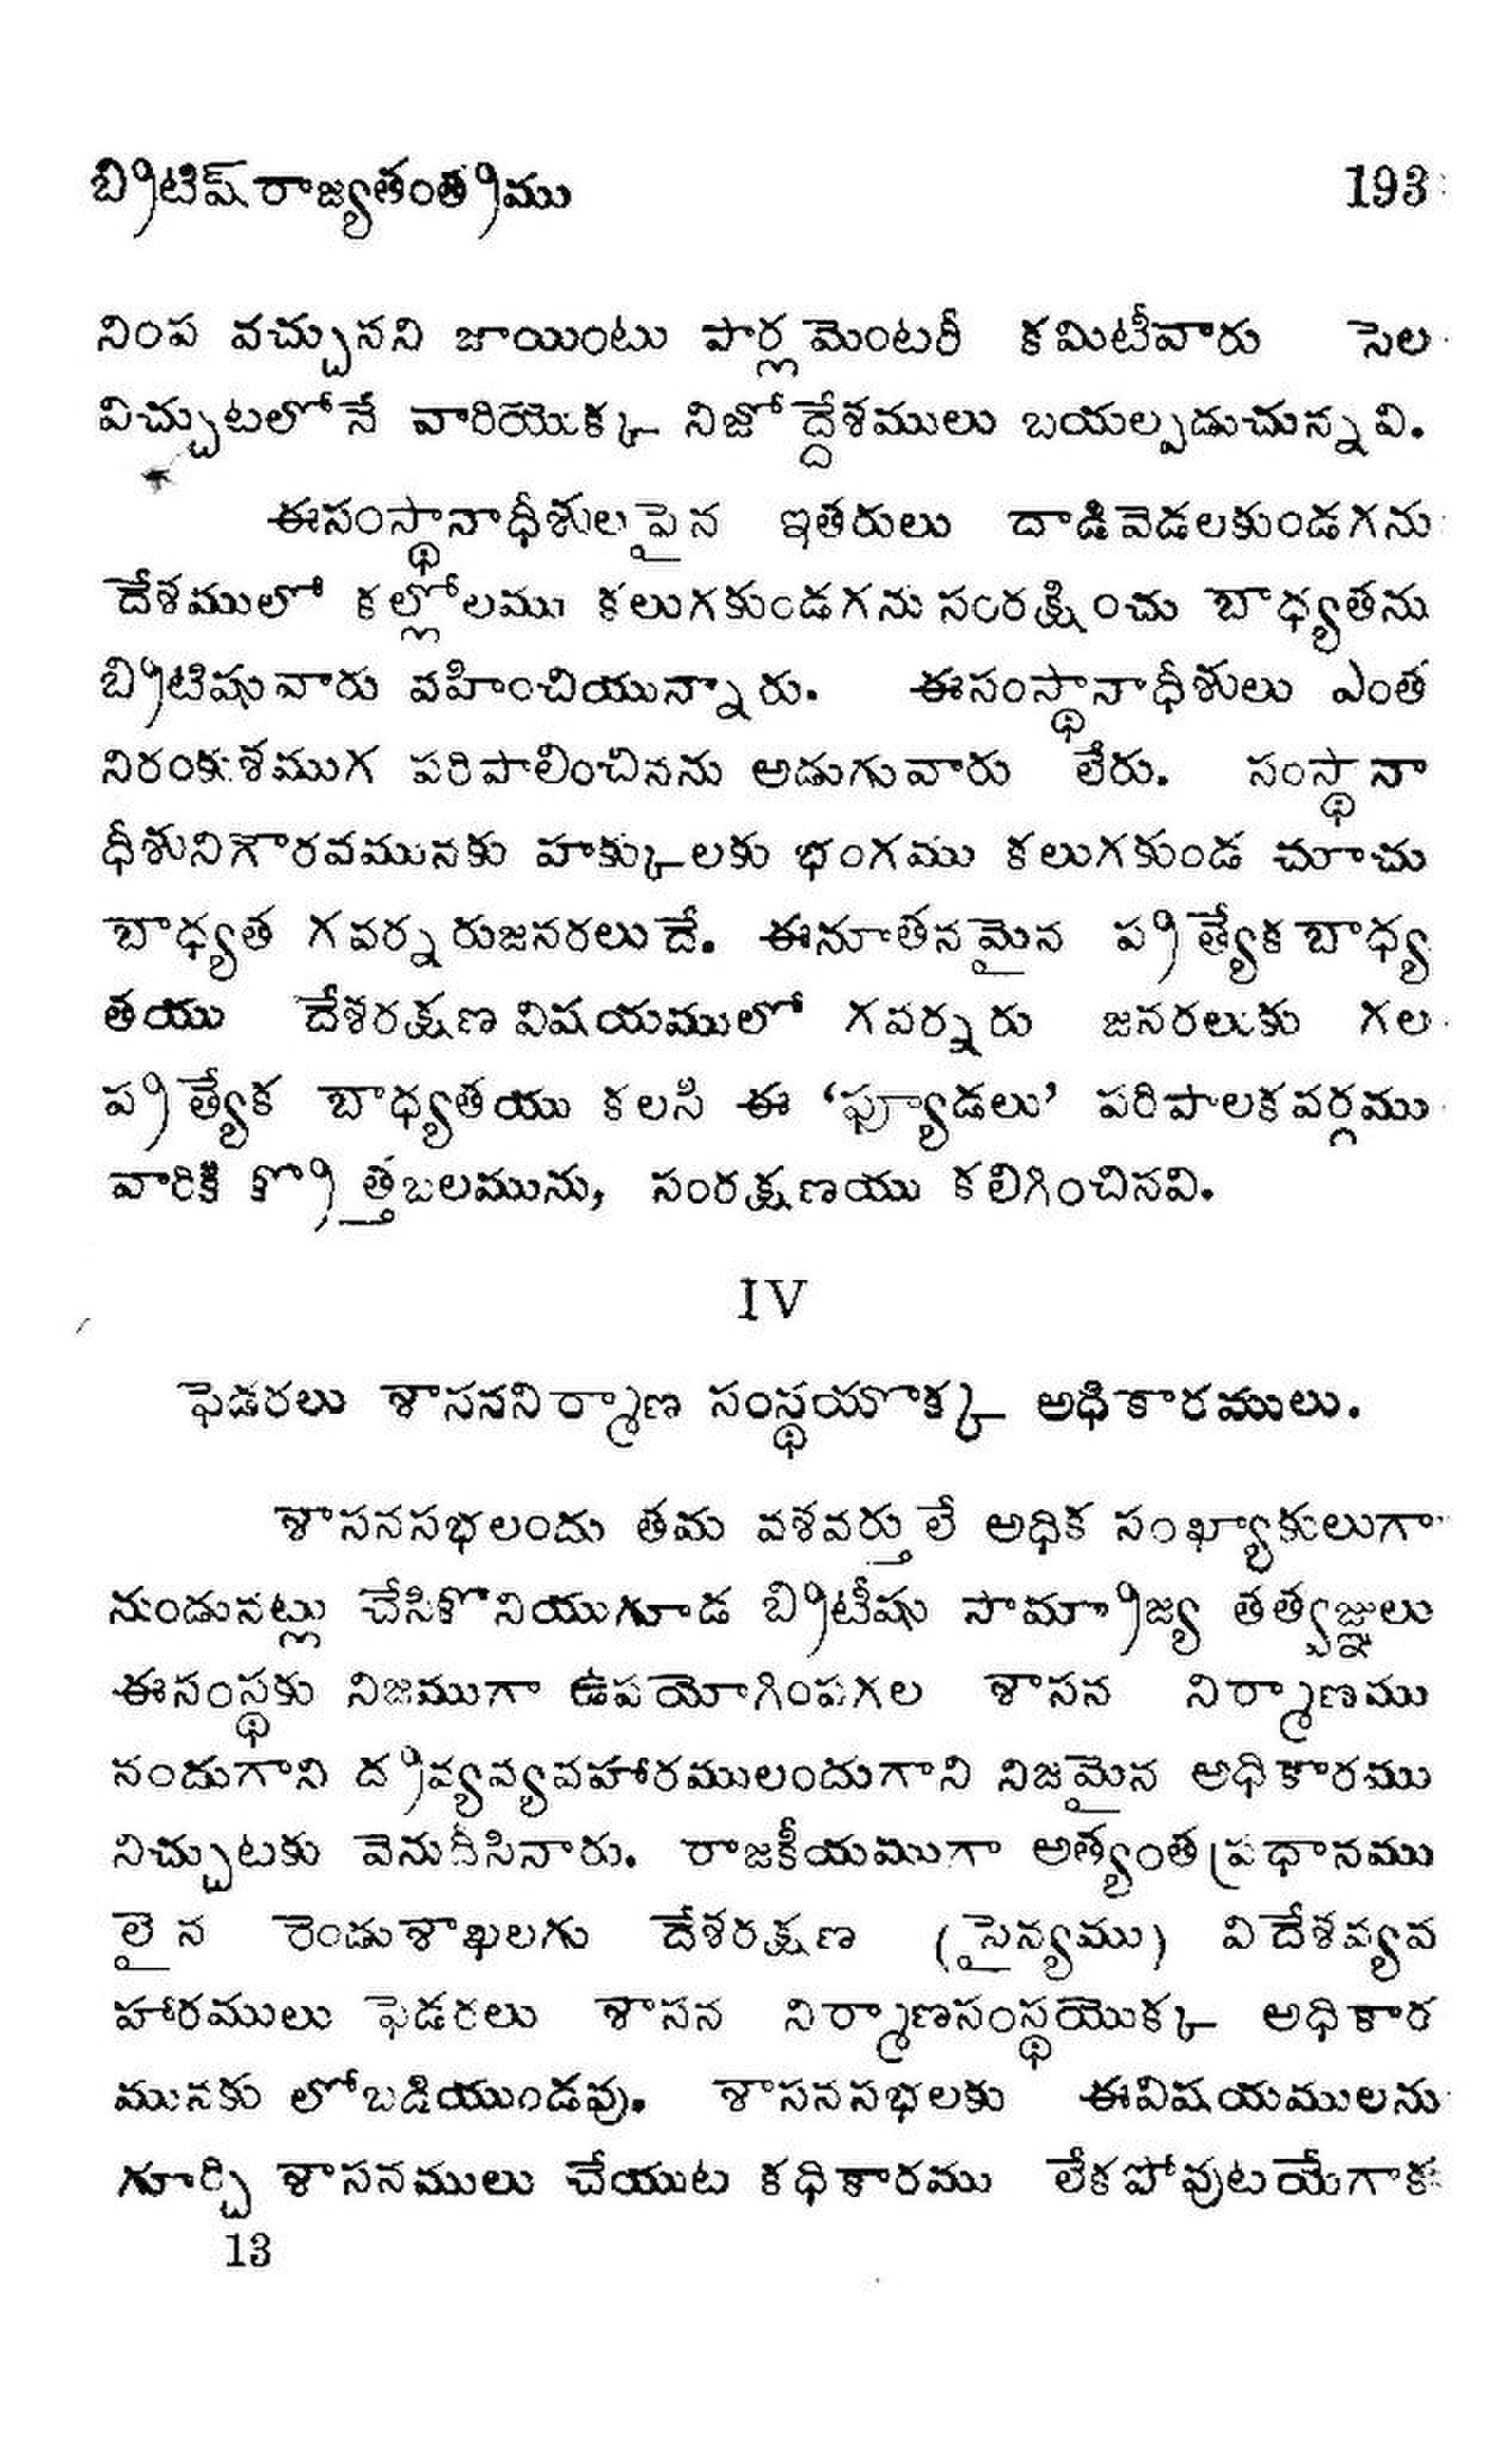నింప వచ్చునని జాయింటు పార్లమెంటరీ కమిటీవారు సెలవిచ్చుటలోనే వారియొక్క నిజోద్దేశములు బయల్పడుచున్నవి.

ఈసంస్థానాధీశులపైన ఇతరులు దాడివెడలకుండగను దేశములో కల్లోలము కలుగకుండగను సంరక్షించు బాధ్యతను బ్రిటిషువారు వహించియున్నారు. ఈసంస్థానాధీశులు ఎంత నిరంకశముగ పరిపాలించినను అడుగువారు లేరు. సంస్థానాధీశునిగౌరవమునకు హక్కులకు భంగము కలుగకుండ చూచు బాధ్యత గవర్నరుజనరలుదే. ఈనూతనమైన ప్రత్యేక బాధ్యతయు దేశరక్షణవిషయములో గవర్నరు జనరలుకు గల ప్రత్యేక బాధ్యతయు కలసి ఈ 'ఫ్యూడలు' పరిపాలకవర్గము వారికి క్రొత్తబలమును, సంరక్షణయు కలిగించినవి.

IV 
ఫెడరలు శాసననిర్మాణ సంస్థయొక్క అధికారములు.

శాసనసభలందు తమ వశవర్తులే అధిక సంఖ్యాకులుగా నుండునట్లు చేసికొనియుగూడ బ్రిటీషు సామ్రాజ్య తత్వజ్ఞులు ఈసంస్థకు నిజముగా ఉపయోగింపగల శాసన నిర్మాణమునందుగాని ద్రవ్యవ్యవహారములందుగాని నిజమైన అధికారము నిచ్చుటకు వెనుదీసినారు. రాజకీయముగా అత్యంతప్రధానములైన రెండుశాఖలగు దేశరక్షణ (సైన్యము) విదేశ వ్యవహారములు ఫెడరలు శాసన నిర్మాణసంస్థయొక్క అధికారమునకు లోబడియుండవు. శాసనసభలకు ఈవిషయములను గూర్చి శాసనములు చేయుట కధికారము లేకపోవుటయేగాక